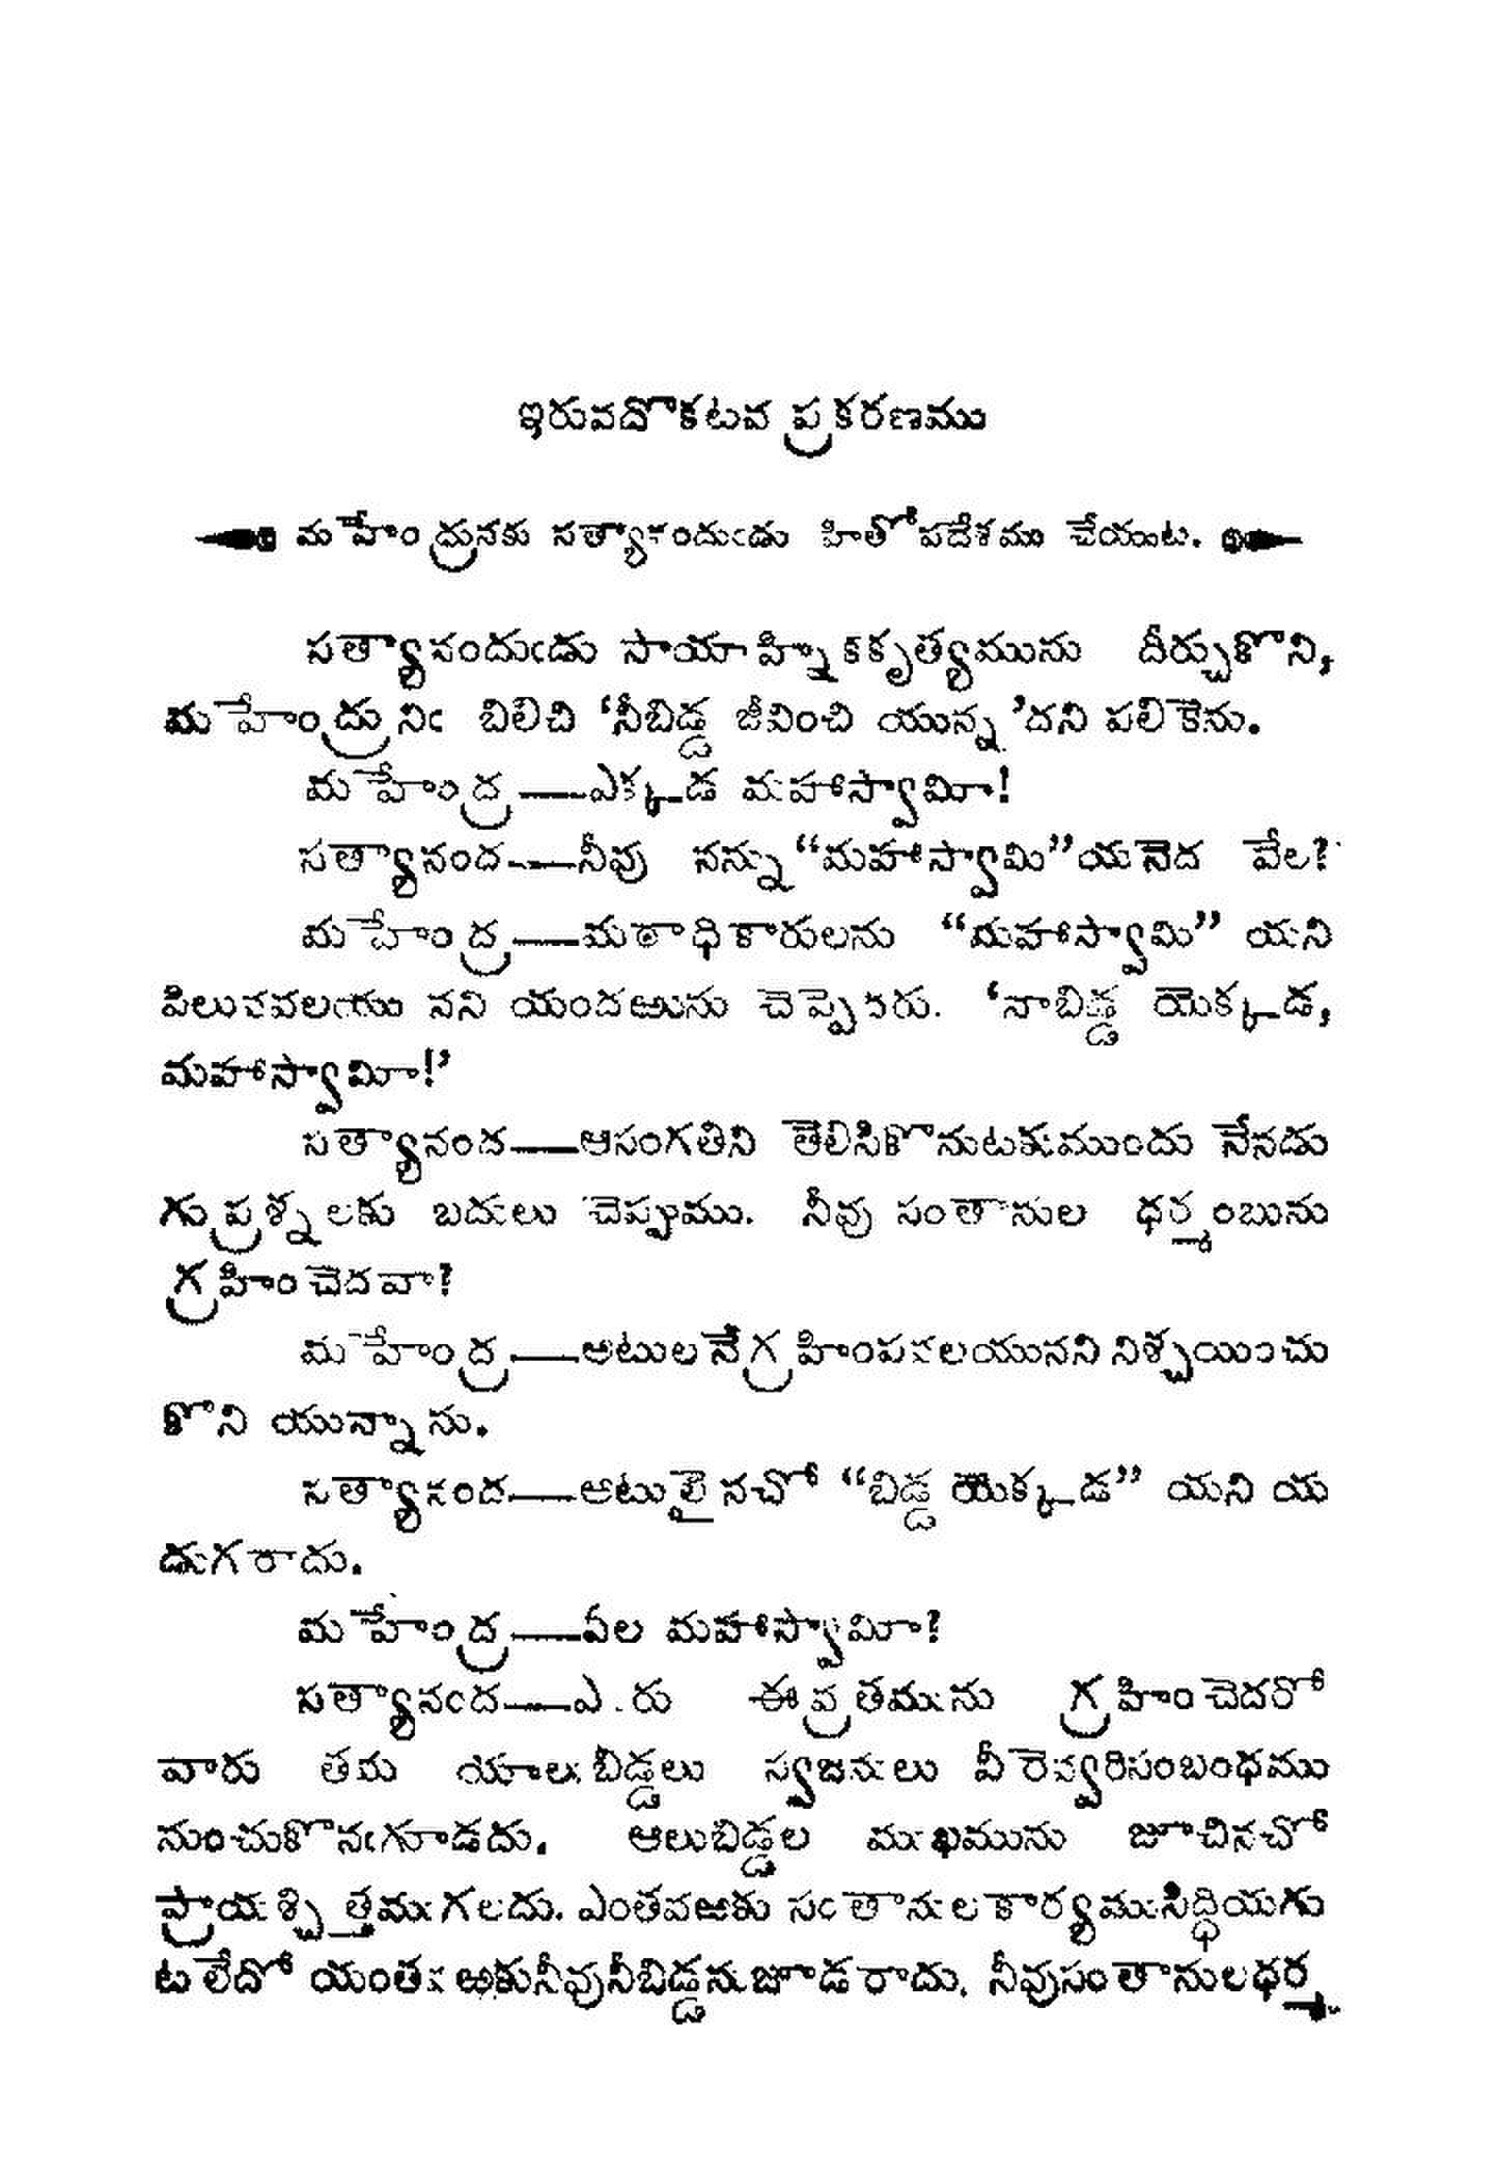ఇరువదోకటవ ప్రకరణము

మహేంద్రునకు సత్యానందుఁడు హితోపదేశము చేయుట.

సత్యానందుఁడు సాయాహ్ని కకృత్యమును దీర్చుకొని, మహేంద్రునిఁ బిలిచి 'నీబిడ్డ జీవించి యున్న 'దని పలికెను.

మహేంద్ర——ఎక్కడ మహాస్వామీ!

సత్యానంద——నీవు నన్ను “మహాస్వామి”యనెద వేల?

మహేంద్ర——మఠాధికారులను “మహాస్వామి” యని పిలువవలయు నని యందఱును చెప్పెదరు. 'నాబిడ్డ యెక్కడ,
మహాస్వామీ!

సత్యానంద—— ఆసంగతిని తెలిసికొనుటకు ముందు నేనడుగు ప్రశ్నలకు బదులు చెప్పుము. నీవు సంతానుల ధర్మంబును
గ్రహించెదవా?

మహేంద్ర—— అటులనేగ్రహింపవలయునని నిశ్చయించు కోని యున్నాను.

సత్యానంద—— ఆటు లైనచో “బిడ్డ యెక్కడ” యని యడుగరాదు.

మహేంద్ర——ఏల మహాస్వామీ!

సత్యానంద——ఎవరు ఈ వ్రతమును గ్రహించెదరో వారు తమ యాలు బిడ్డలు స్వజనులు వీరెవ్వరిసంబంధము నుంచుకొనఁ గూడదు. ఆలుబిడ్డల ముఖమును జూచినచో ప్రాయశ్చిత్తము గలదు. ఎంతవఱకు సంతానుల కార్యము సిద్ధియగుట లేదో యంతవఱకు నీవు నీ బిడ్డను జూడరాదు, నీవుసంతానులధర్మ